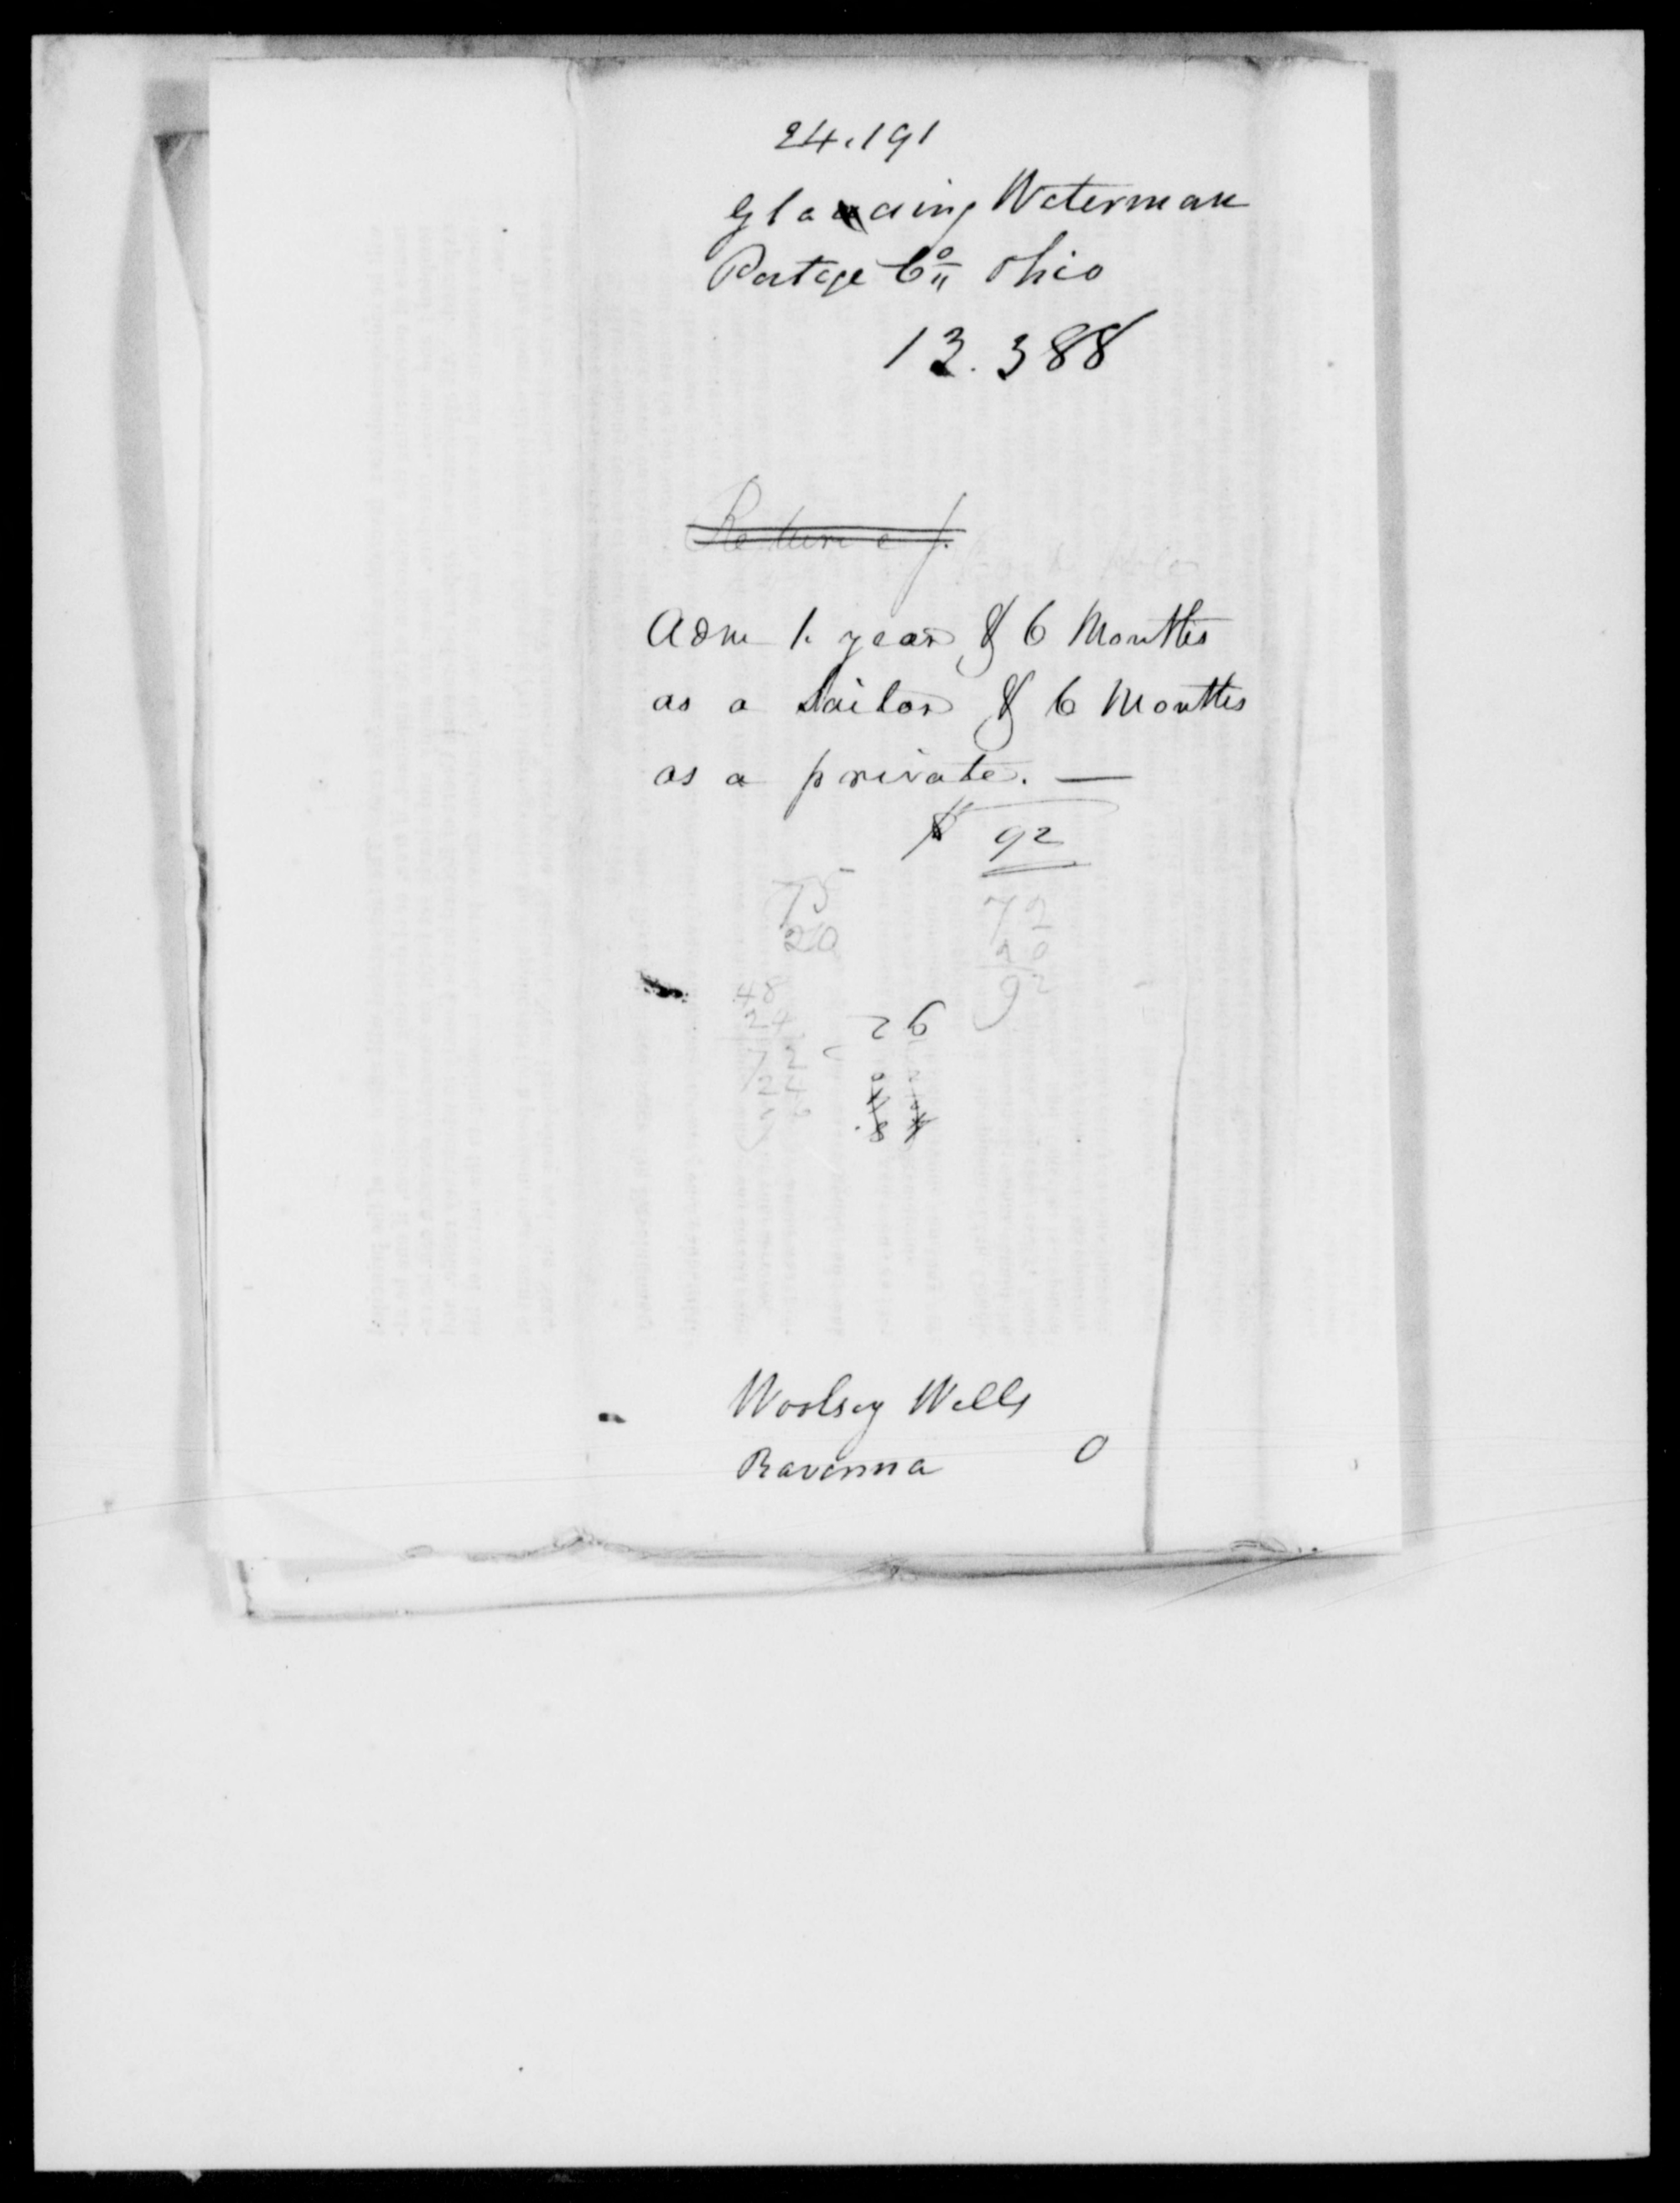24.191
Glading Waterman
Portage Co. Ohio

13.388

Adm 1 year & 6 months
as a Sailor & 6 months
as a private.
$92
------
75       72
20        20
            ----
             92

48 
24
----
72
24
----
 96


Woolsey Wells
Ravenna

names: Woolsey Wells, Glading Waterman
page: 20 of 50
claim: widow's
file: W. 15814, Glading Waterman, Conn. Conn. Sea Service Continental